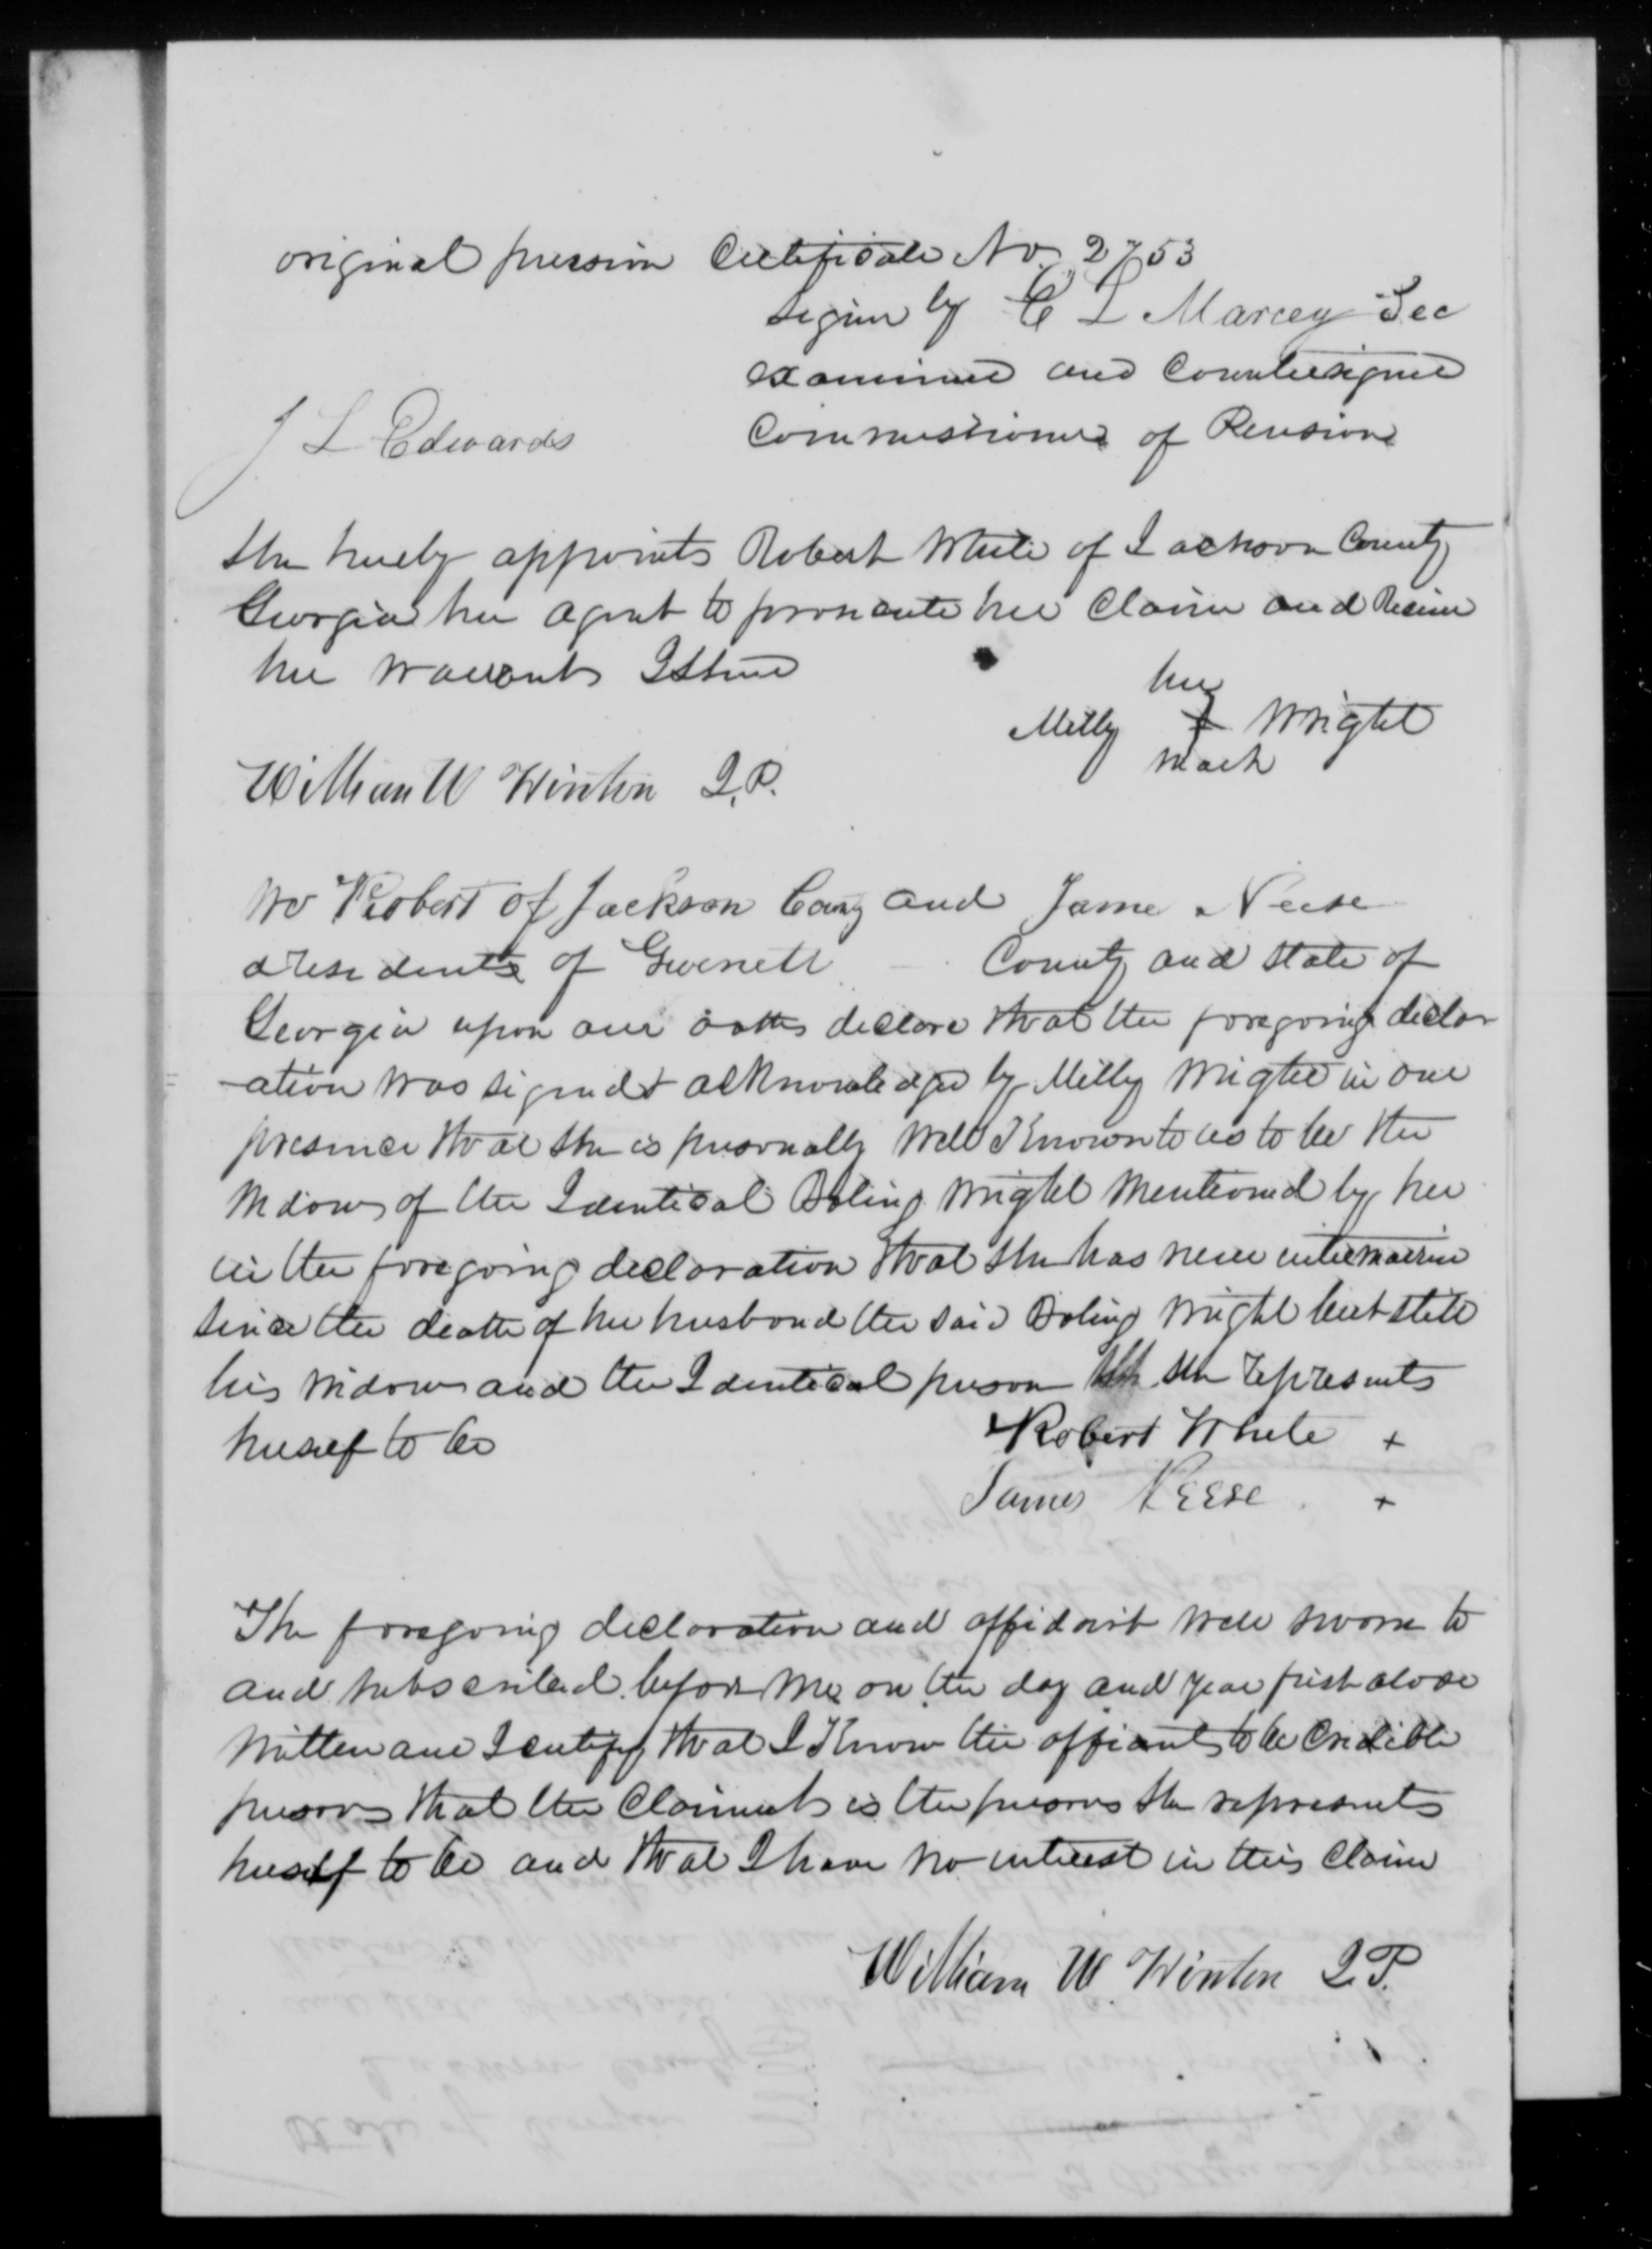original pension Certificate No. 2753
Signed by E L Marcee Sec
examined and Conter-signed
J L Edwards Commissioner of Pension

She hereby appoints Robert White of Jackson County Georgia her agent to prosecute her claim and receive her warrant Issued 
Milly x her mark Wright
William W Hinton J.P.

We Robert of Jackson County and James Reese a resident of Gwynett - County and state of Georgia upon our oaths, declare that the foregoing declaration was signed  by Milly Wright in our presence that she is personally well known to use to be the Widow of the Identical Boling Wright mentioned by her in the foregoing declaration That she has never intermarried since the death of her husband the said Boling Wright but still his widow and the Identical person she represents herself to be
Robert White x
James Reese x

The foregoing declaration and affidavit now sworn to and subscribed before me on the day and year first above written and I certify that I know this affiants to be Credible persons that the Claimant is the person she represents herself to be and that I have no interest in this claim
William W. Hinton J.P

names: E L Marcey, J L Edwards, James Neese, Boling Wright, Robert White, Milly Wright, William W Hinton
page: 22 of 81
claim: widow's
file: W. 5183, Bolling Wright, Va.